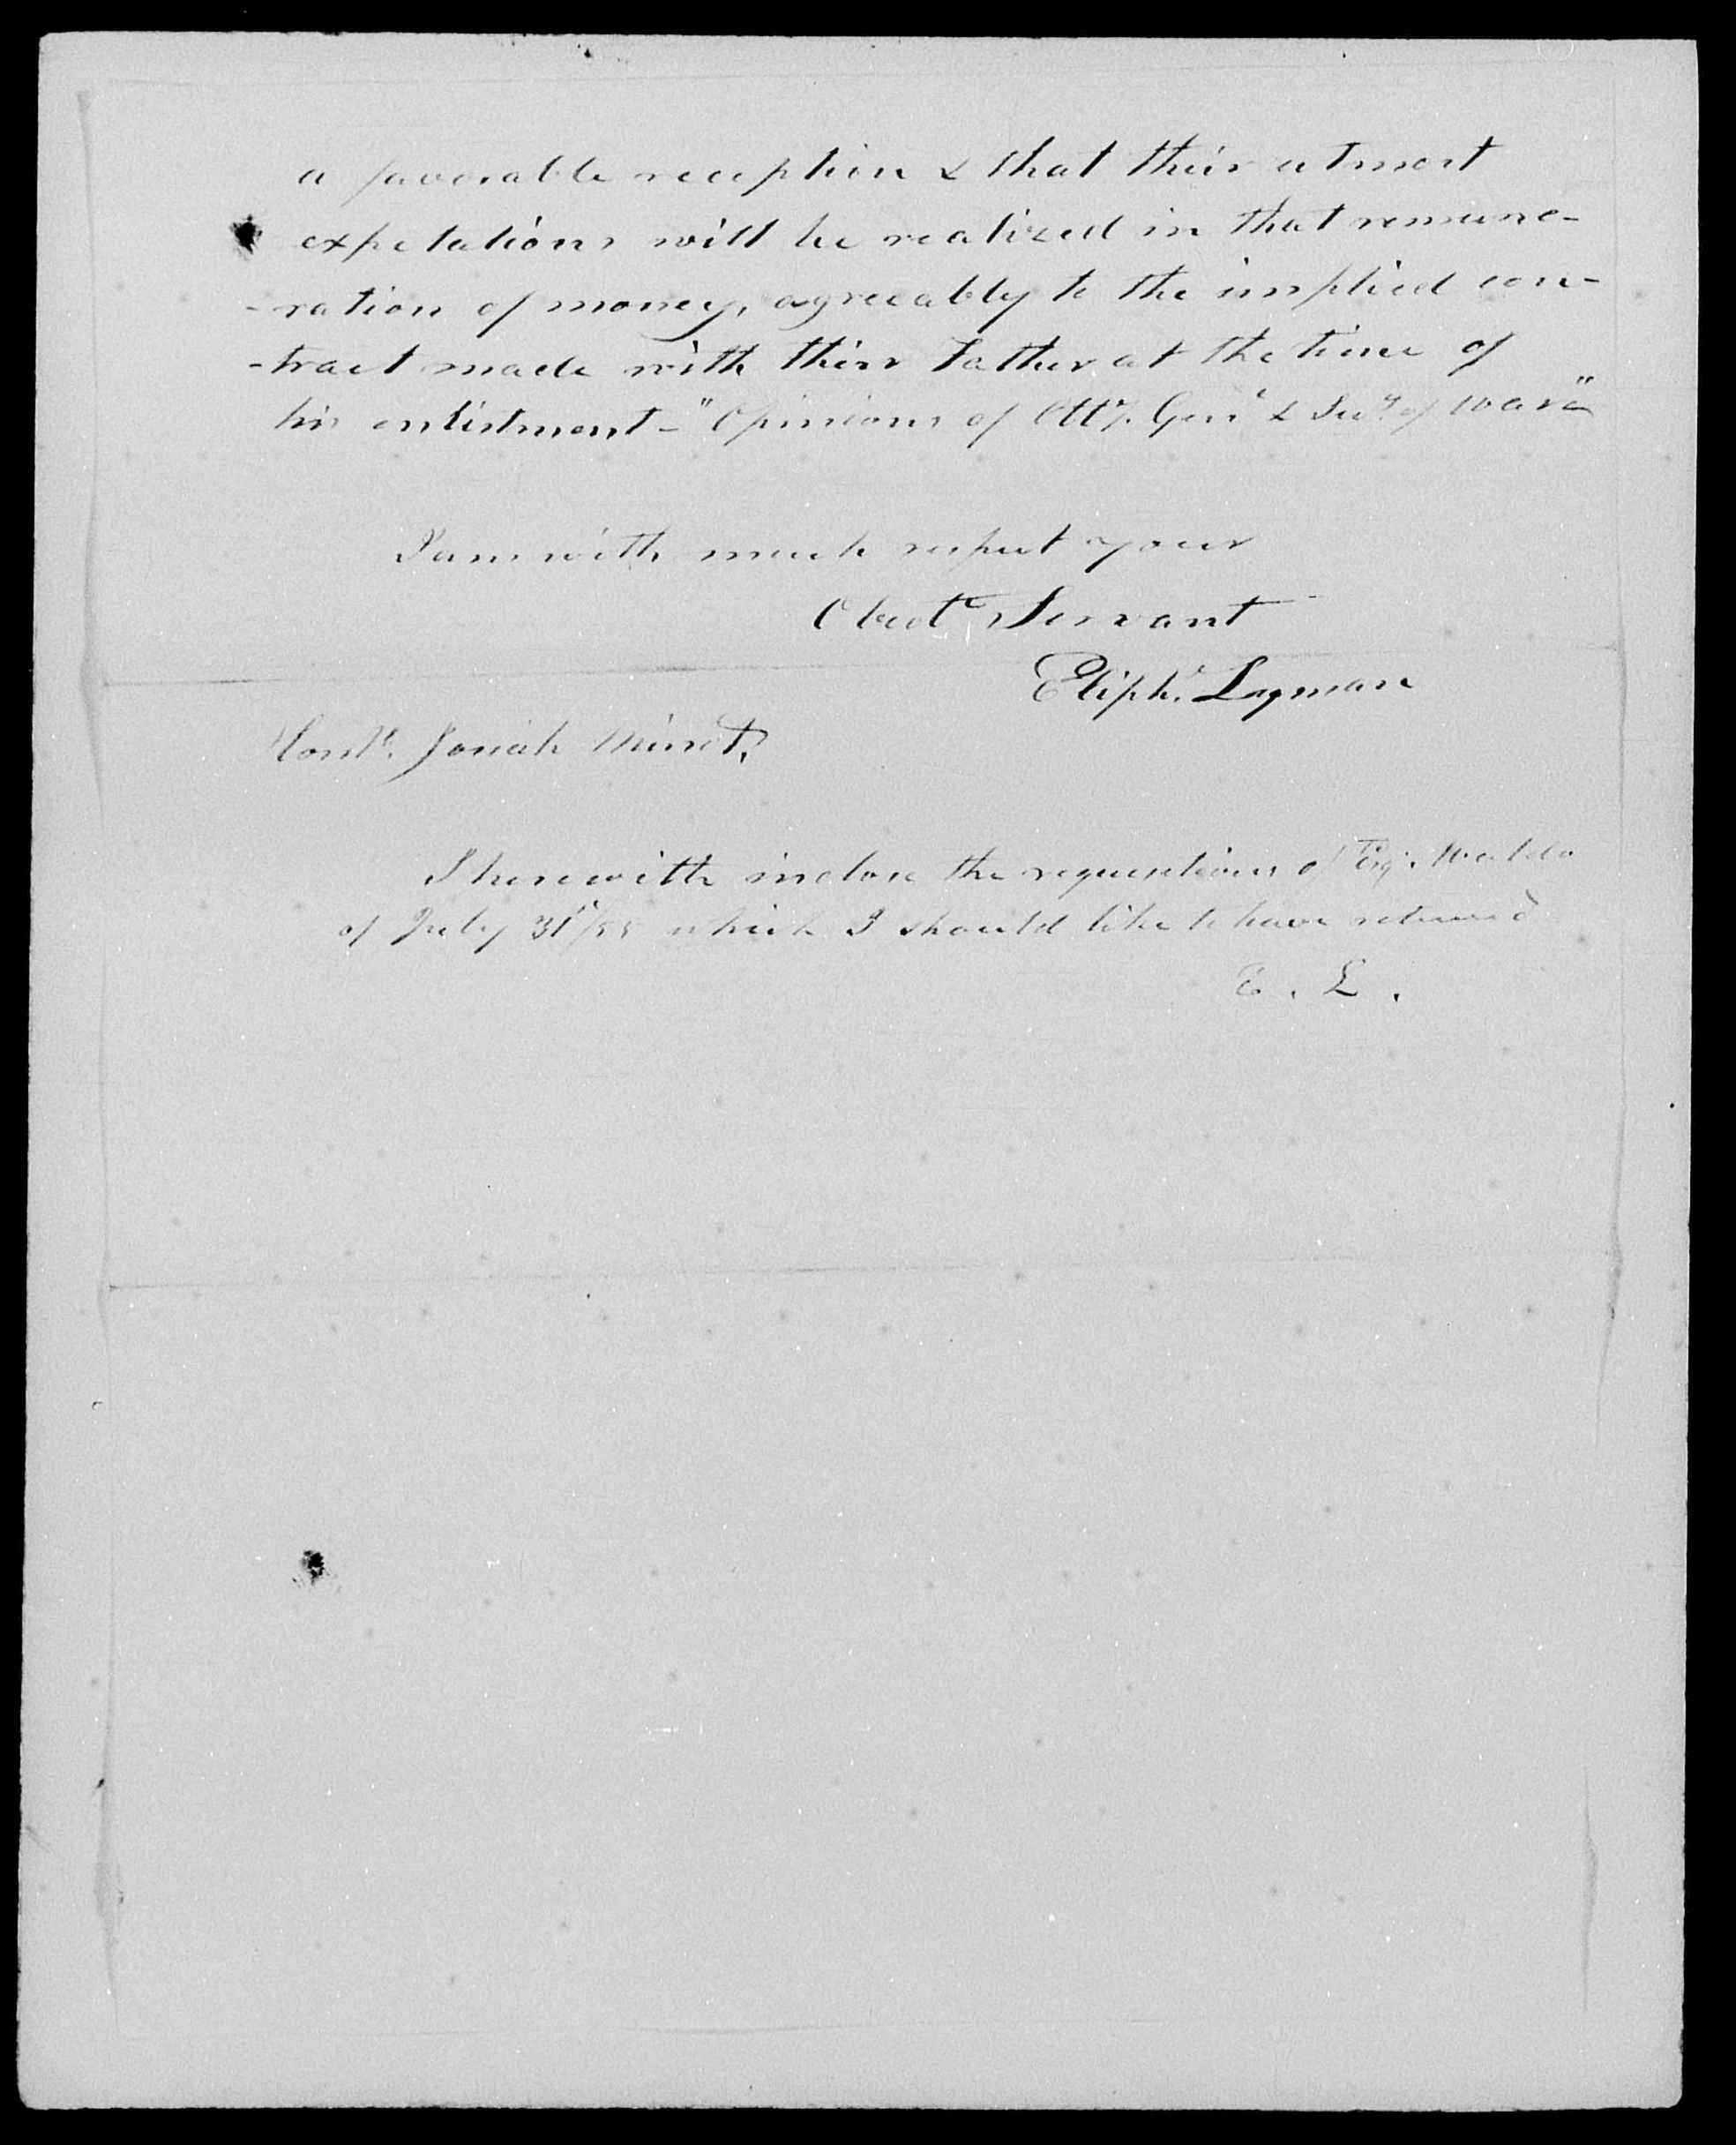a favorable reception & that their utmost expectations will be realized in that remuneration of money, agreeably to the implied contract made with their Father at the time of his enlistment_ "Opinions of Atty. Genr & Secy. of Wars"
I am with much respect your
Obedt Servant
Eliph. Lyman
Honbl. Josiah Minot
I herewith inclose the requisitions of Esq. Waldo of July 31/55 which I should like to have returned
E.L.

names: E L, Eliph Lyman, Josiah Minot, Waldo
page: 30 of 59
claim: widow's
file: W. 23017, Richard Clair Everett, Mass.